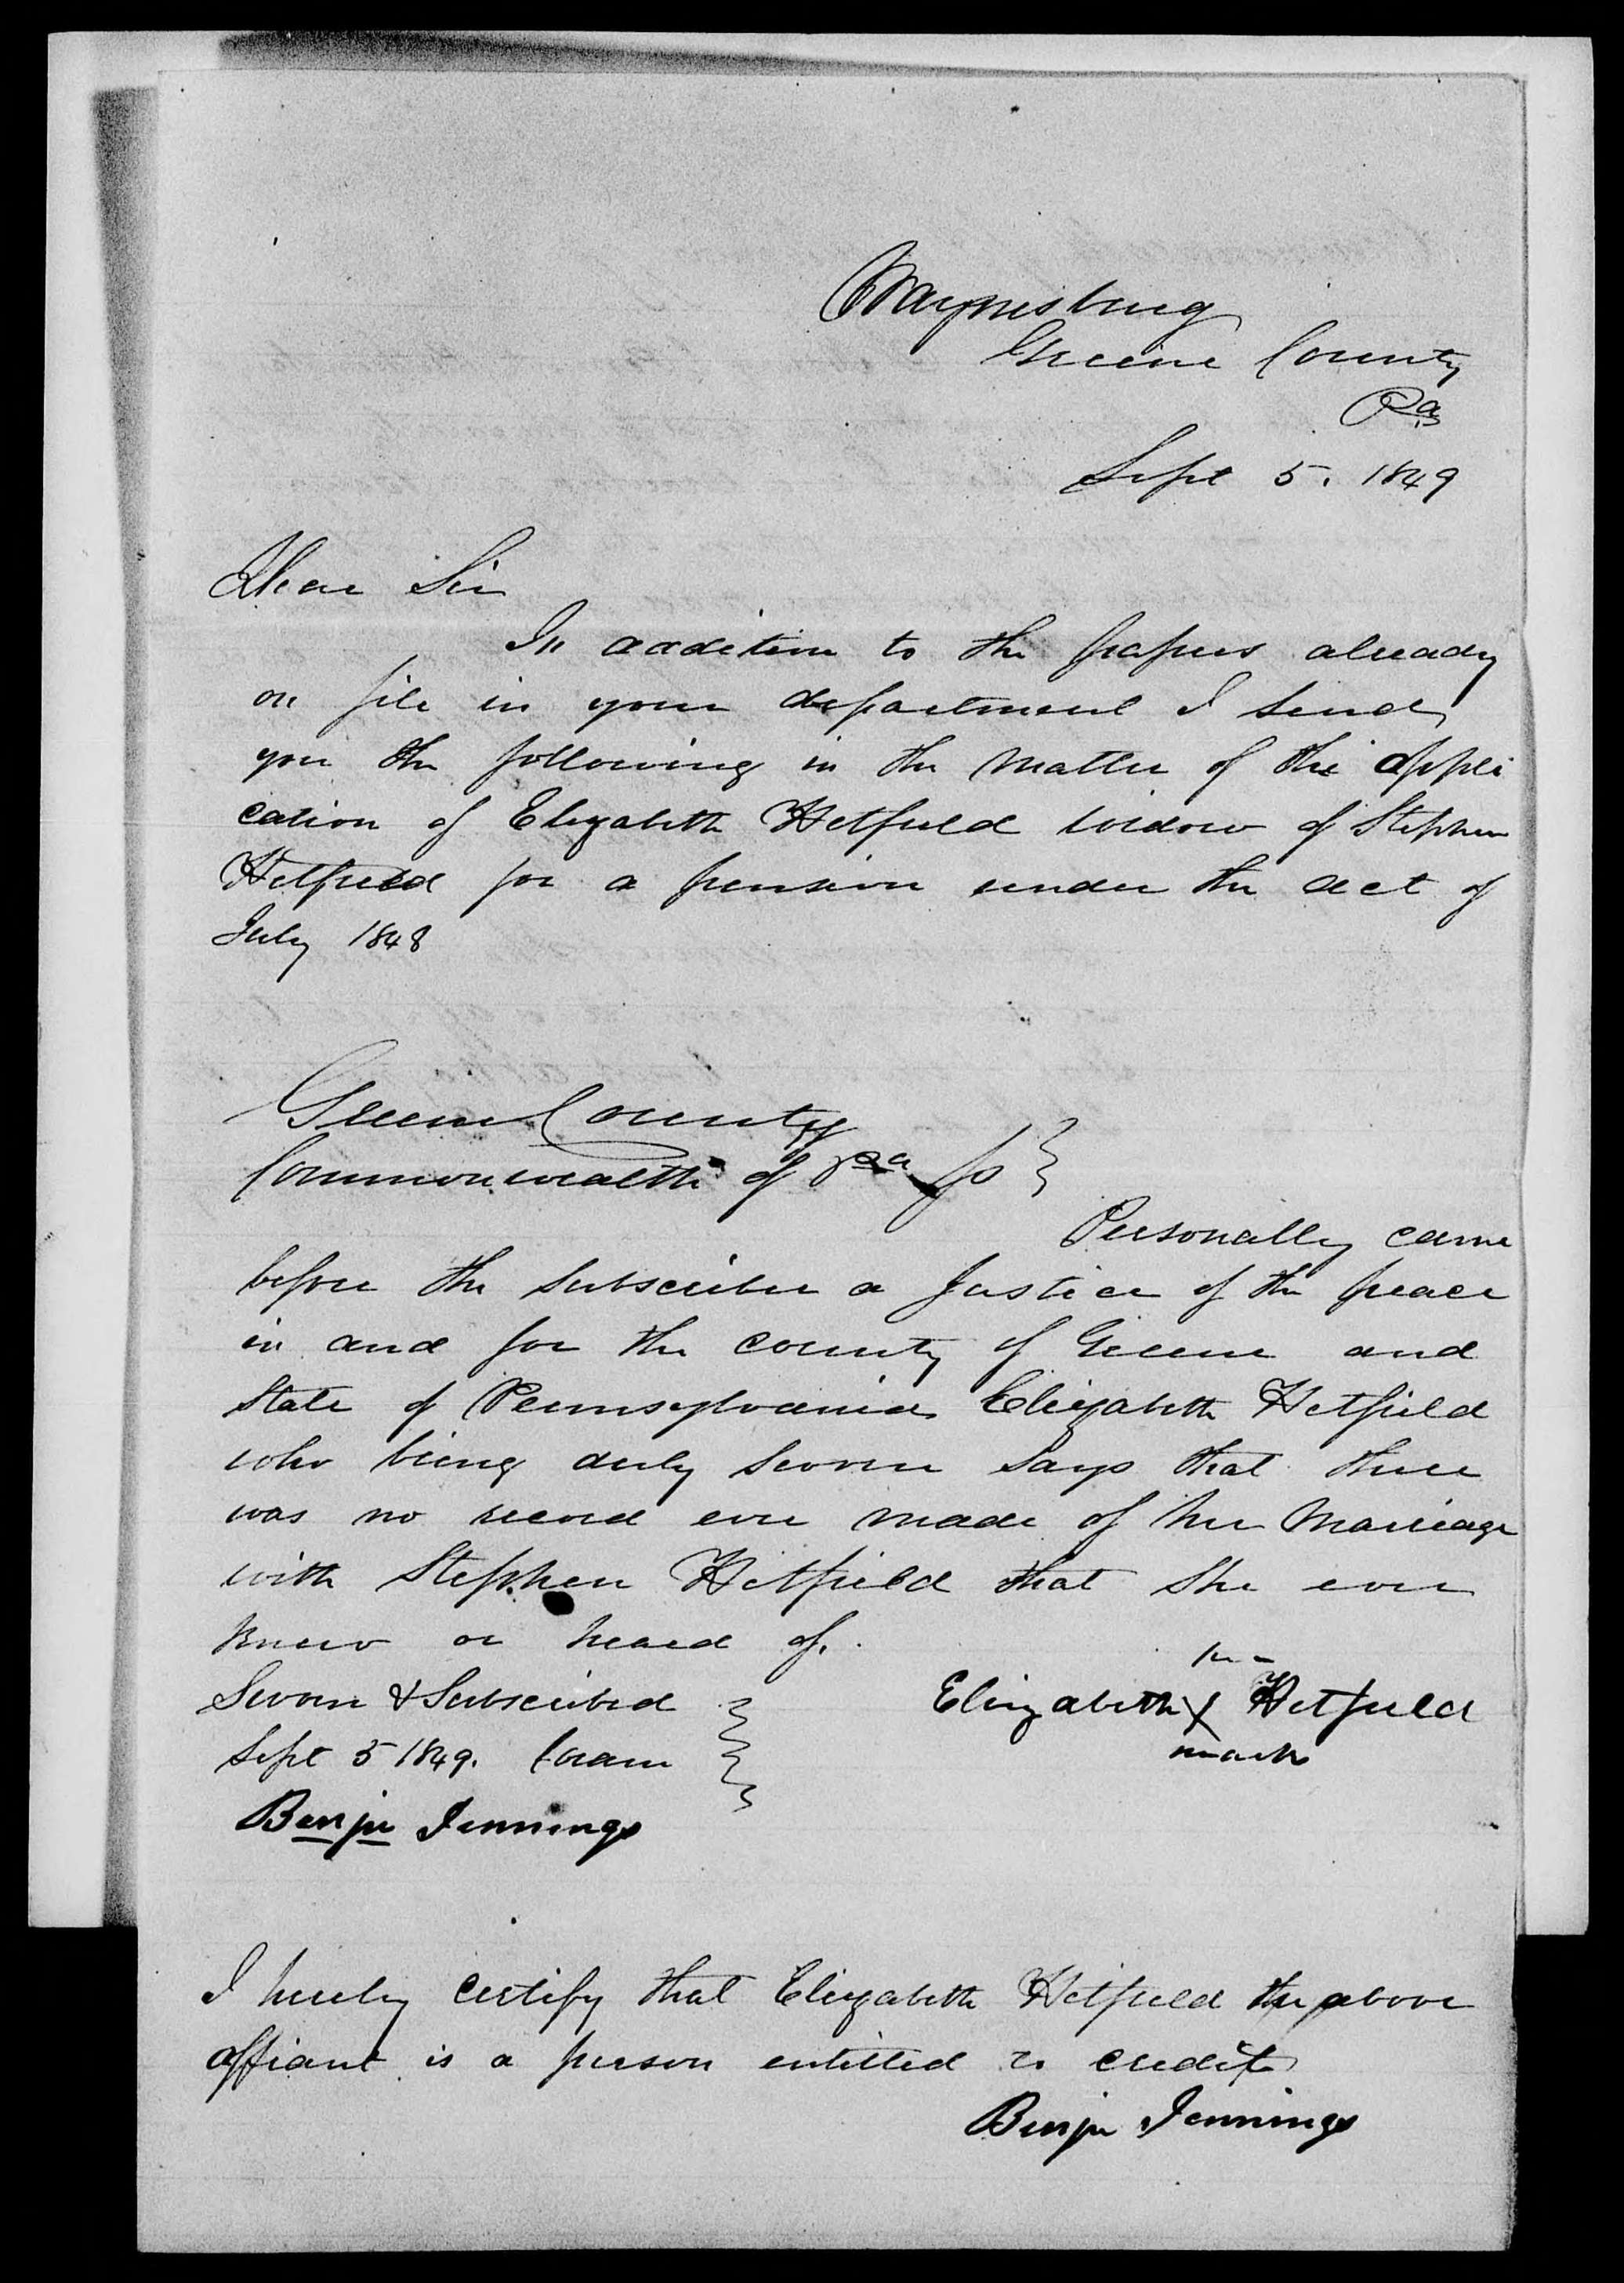Waynesburg
Greene County
Pa
Sept 5, 1849

Dear Sir,
In addition to the papers already
on file in your department I send
you the following in the matter of the
application of Elizabeth Hetfield widow of Stephen
Hetfield for a pension under the act of
July 1848


Greene County
Commonwealth of Pa [possibly "Jo"]

Personally came
before the subscriber a Justice of the peace
in and for the county of Greene and
State of Pennsylvania Elizabeth Hetfield
who being duly Sworn Says that there
was no record ever made of her Marriage
with Stephen Hetfield that She ever
knew or heard of

Sword & Subscribed
Sept 5 1849  Coram

Benjn Jennings

Elizabeth  her  Hetfield
                 X
                mark


I hereby certify that Elizabeth Hetfield the above
affiant is a person entitled to credit

Benjn Jennings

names: Elizabeth Hetfield, Elizabeth Hetfield, Stephen Hetfield, Benjn Jennings, Benjn Jennings, Elizabeth Hetfield, Elizabeth Hetfield, Stephen Hetfield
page: 33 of 45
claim: widow's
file: W. 2734, Stephen Hetfield, New Jersey